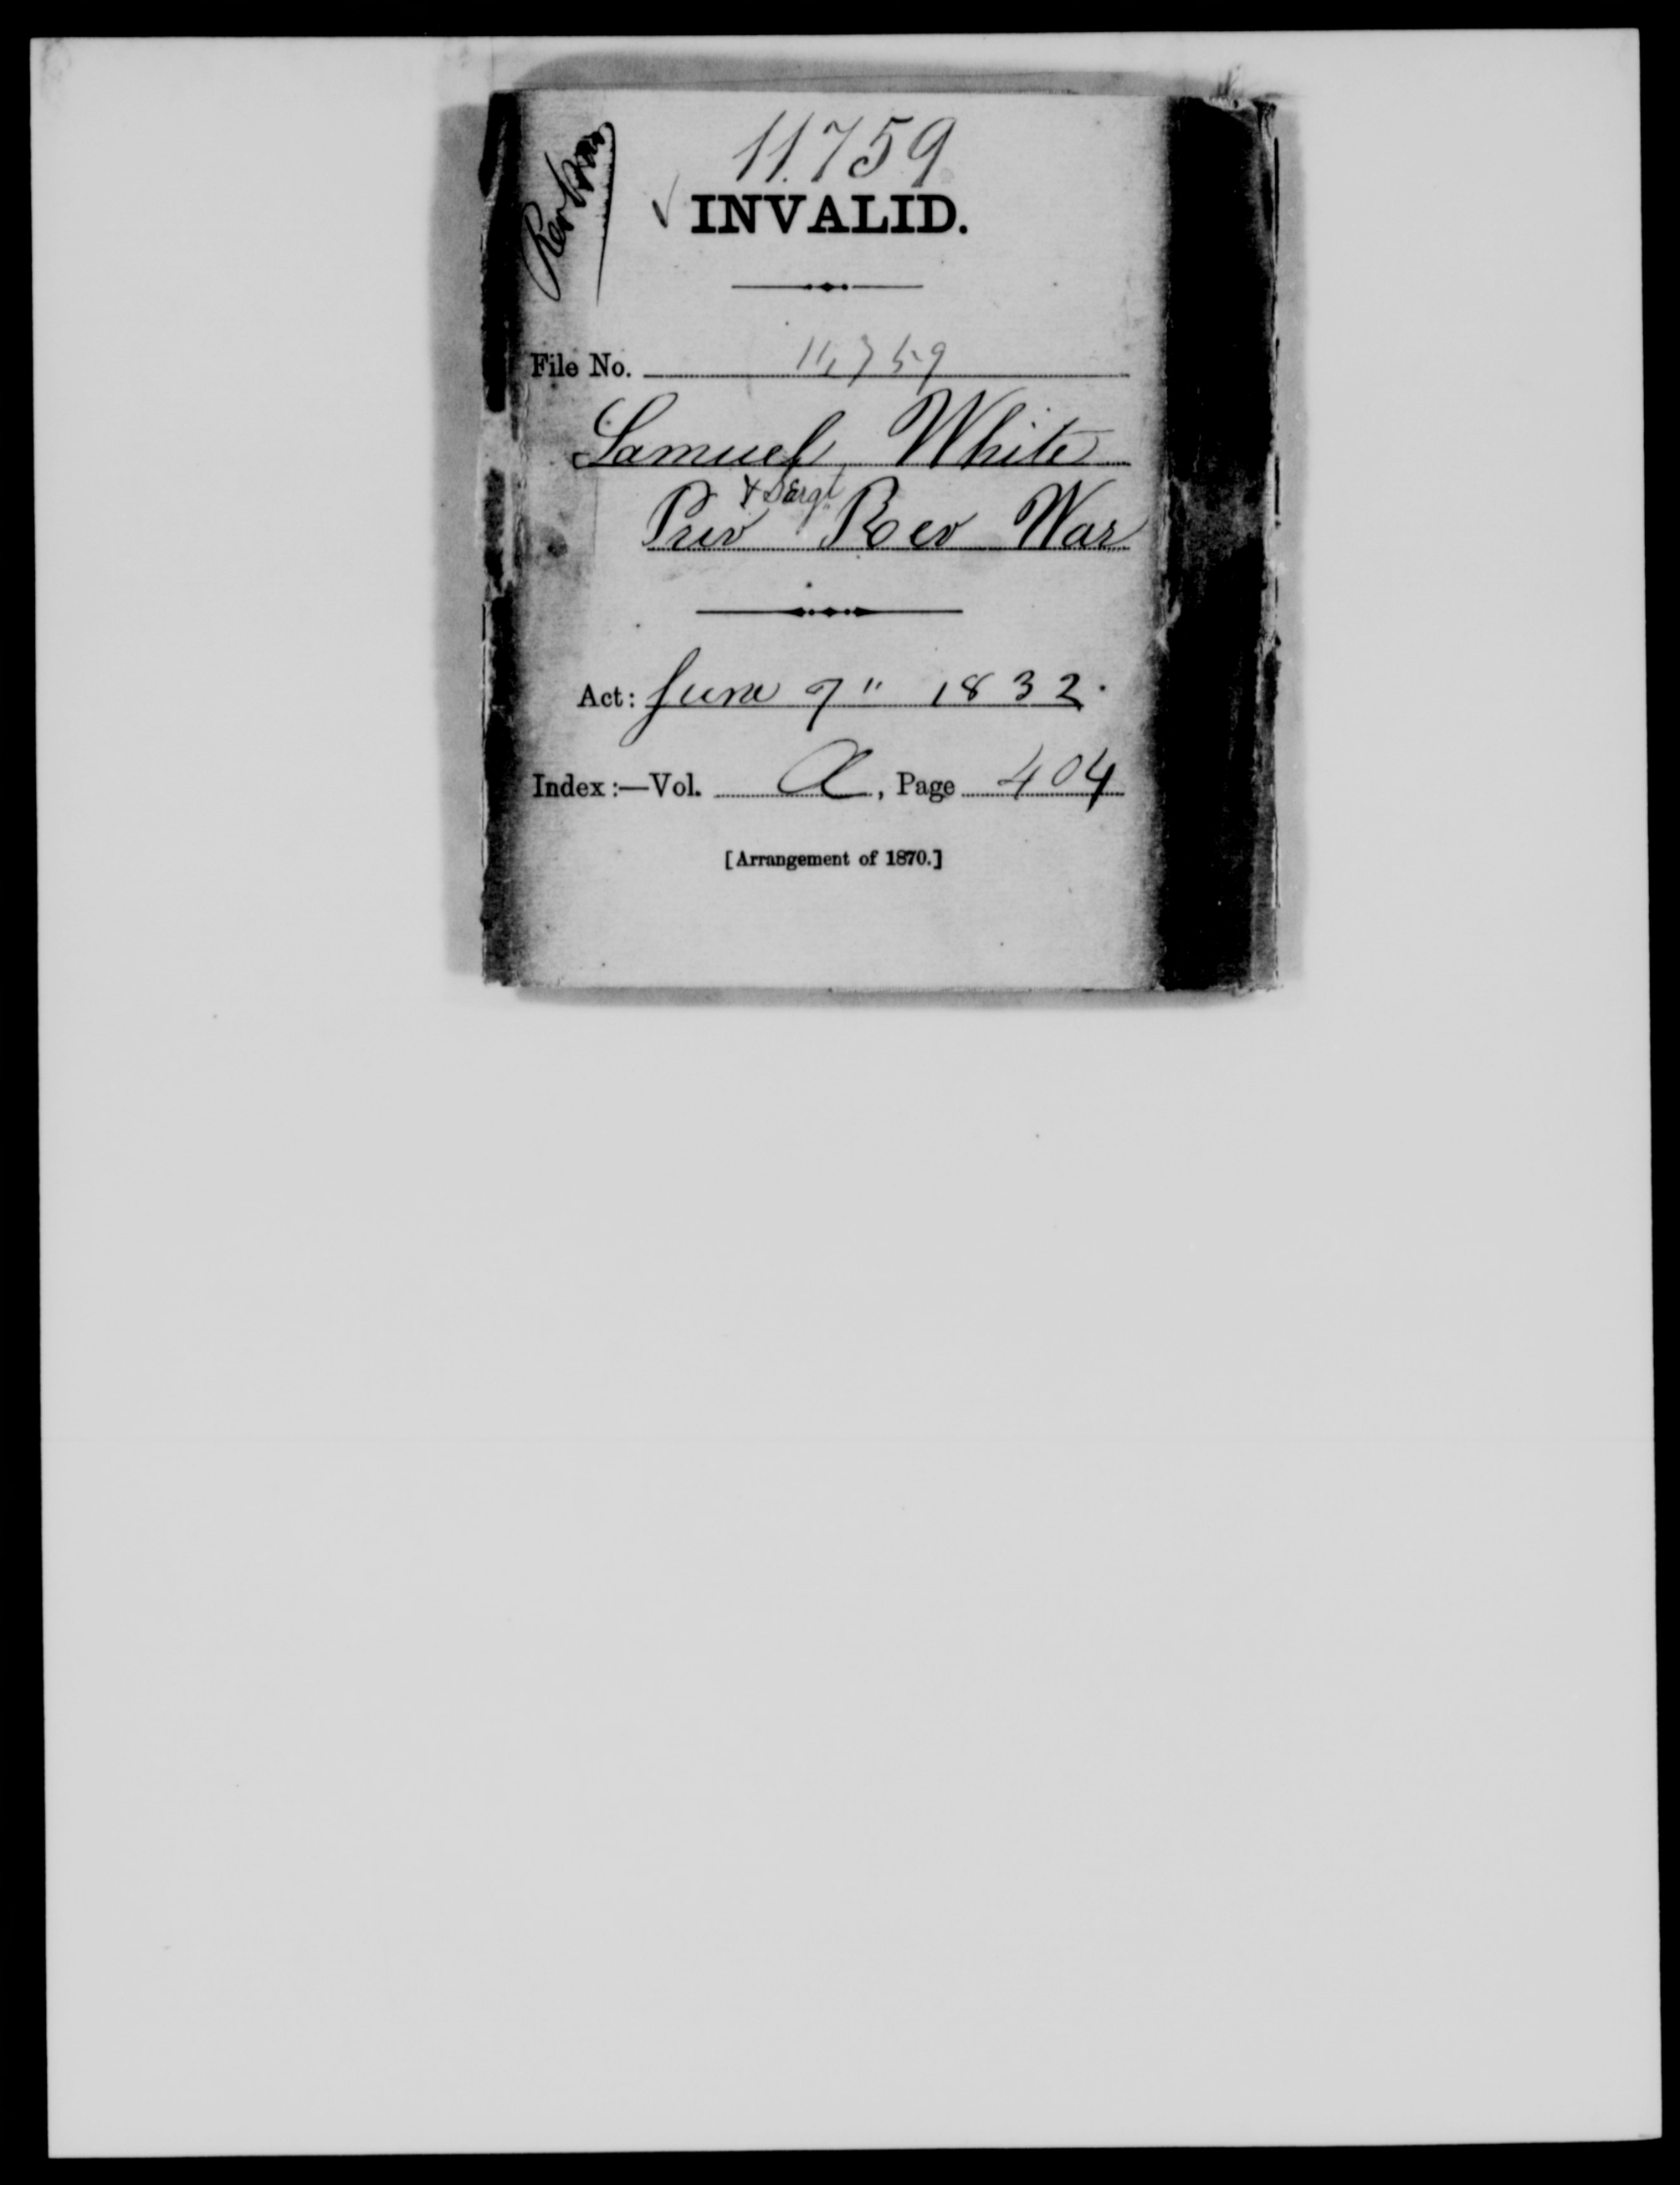Rev War
11759
INVALID

File No. 11,759
Samuel White
Priv & Sgt Rev War

Act June 7th 1832

Index: Vol. A, Page 404


[Arrangement of 1870]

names: Samuel White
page: 17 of 79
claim: survivor's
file: S. 11759, Samuel White, Mass.